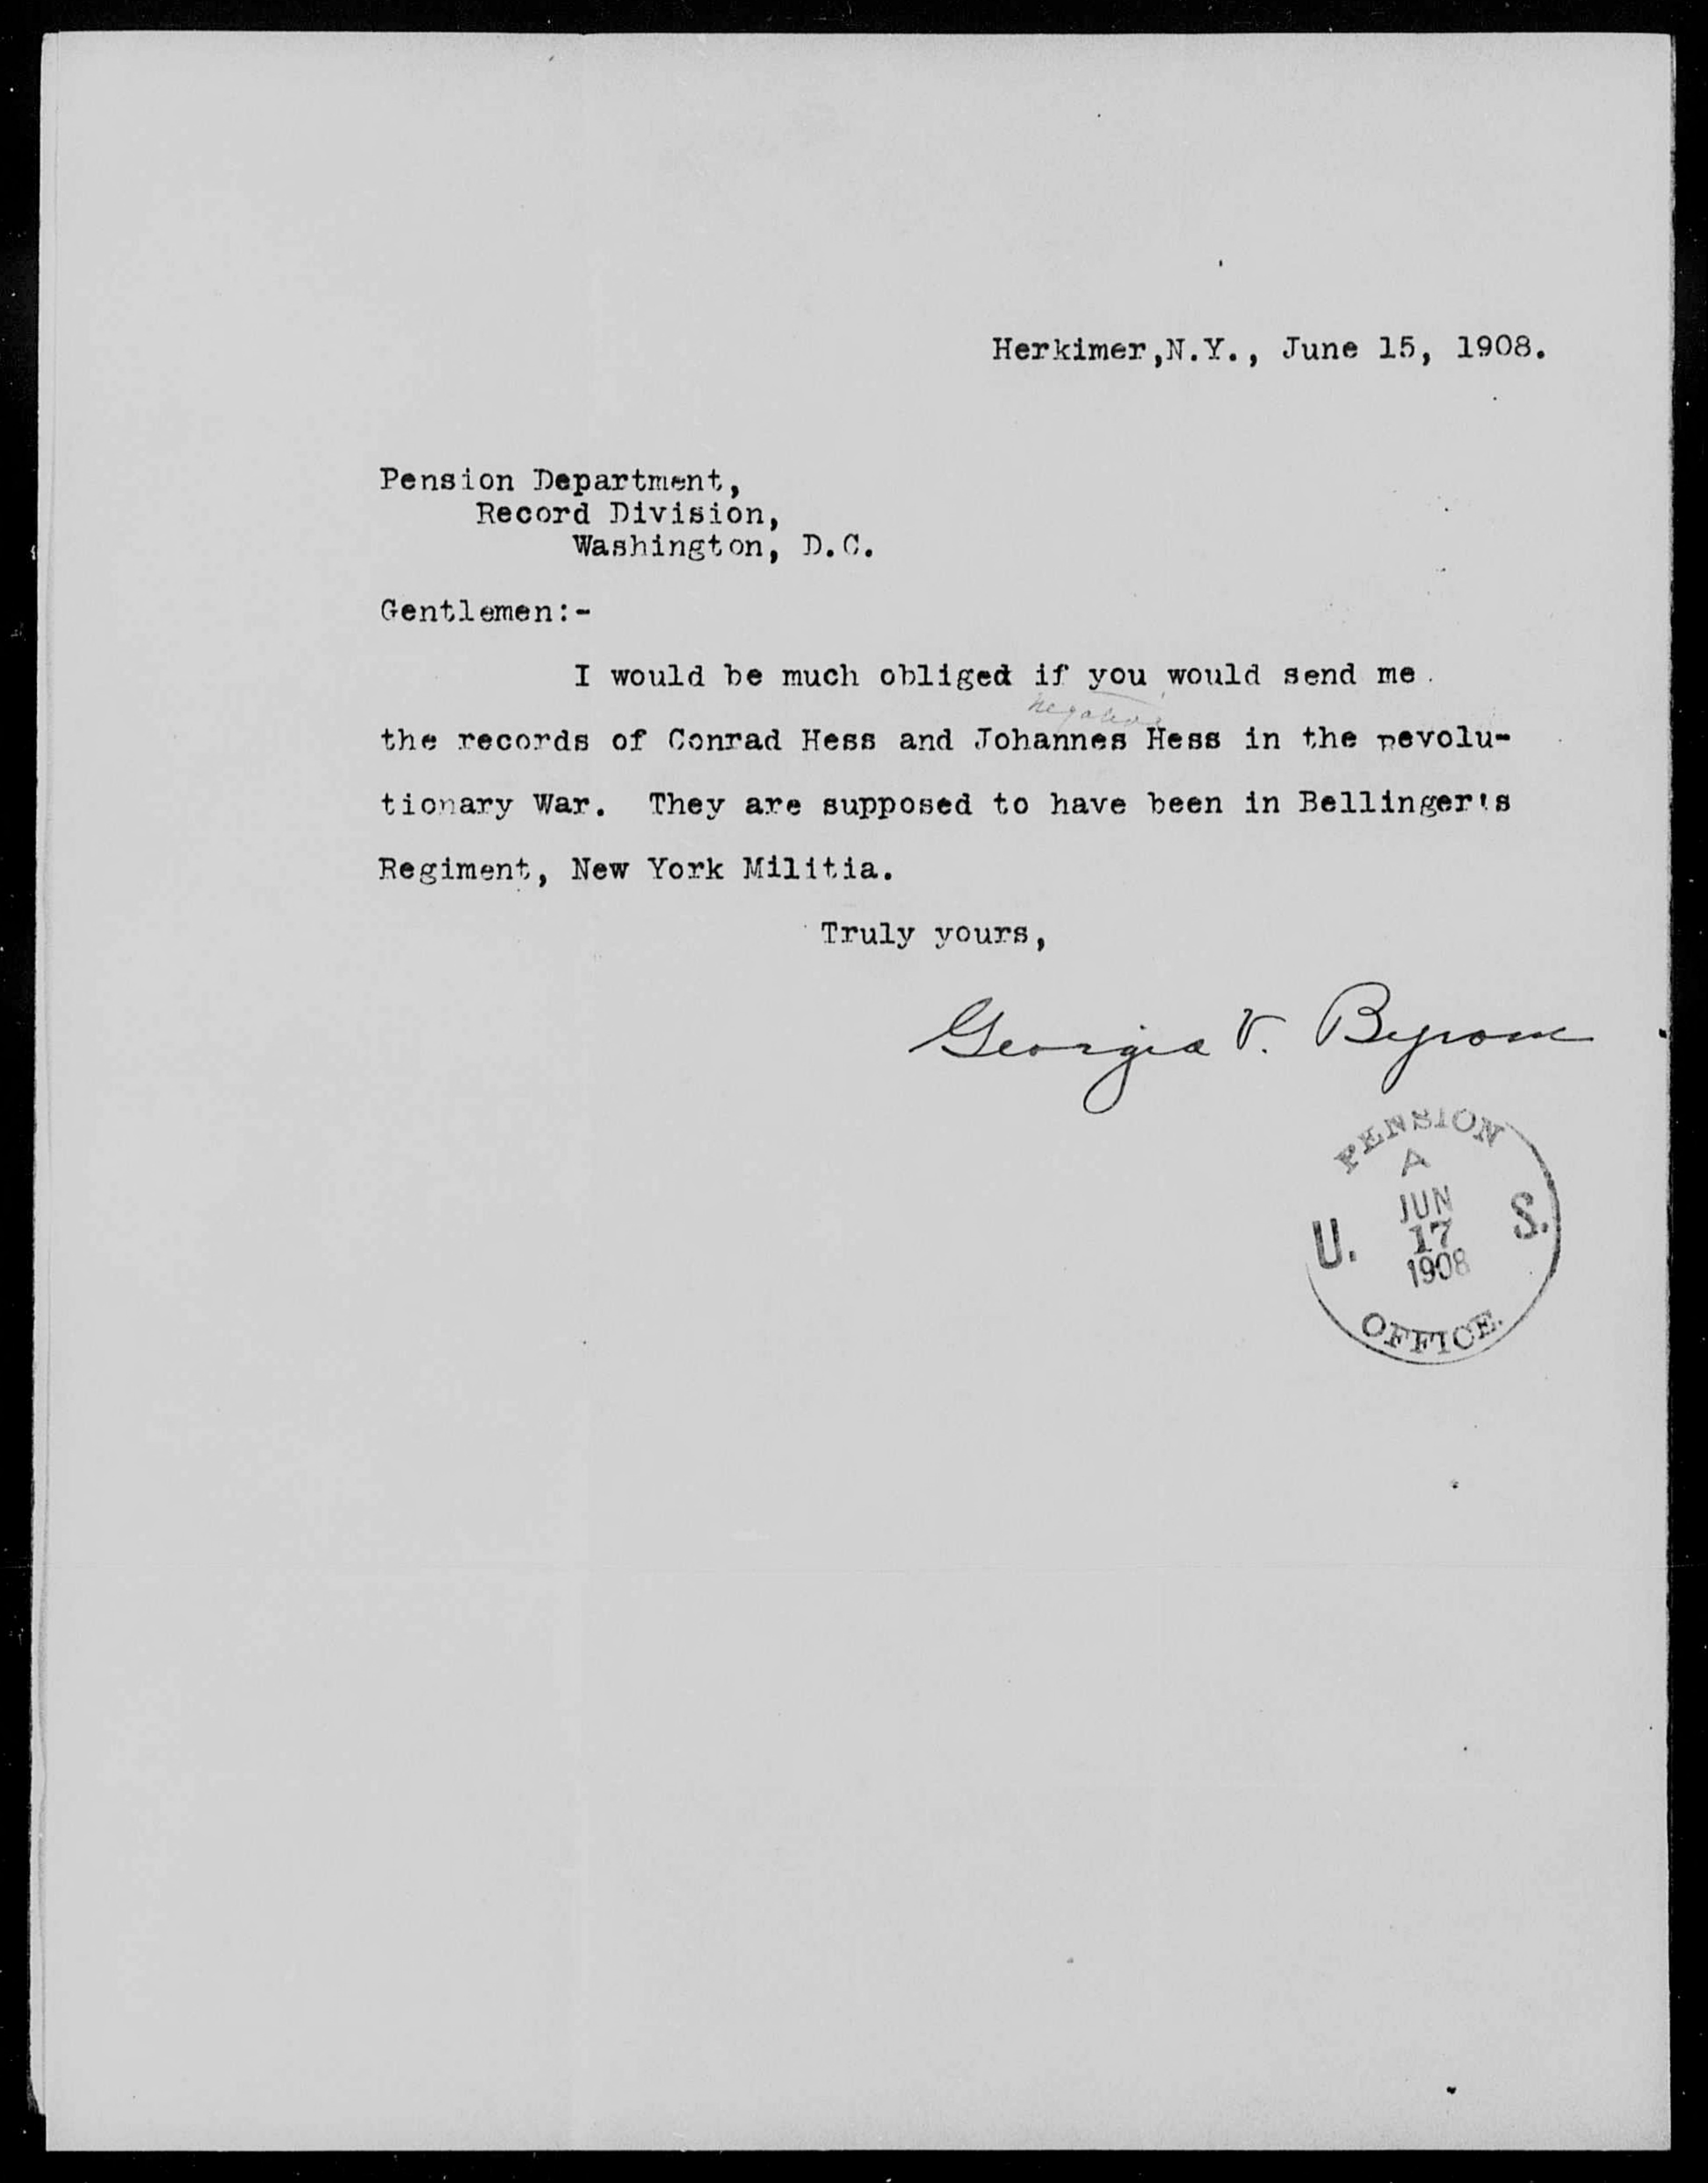[typewritten]

Herkimer, N. Y. June 15, 1908

Pension Department,
Record Division,
Washington, D. C.

Gentlemen:-
I would be much obliged if you would send me the records of Conrad Hess and Johannes Hess in the revolutionary War. They are supposed to have been in Bellinger's Regiment, New York Militia. 
Truly yours,
Georgia V. Byrom [signature]

[stamped] U.S. PENSON OFFICE A JUN 17 1908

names: Conrad Hess, Georgia V Byrom, Johannes Hess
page: 30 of 30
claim: rejected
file: R. 4927, Conrad Hess, New York